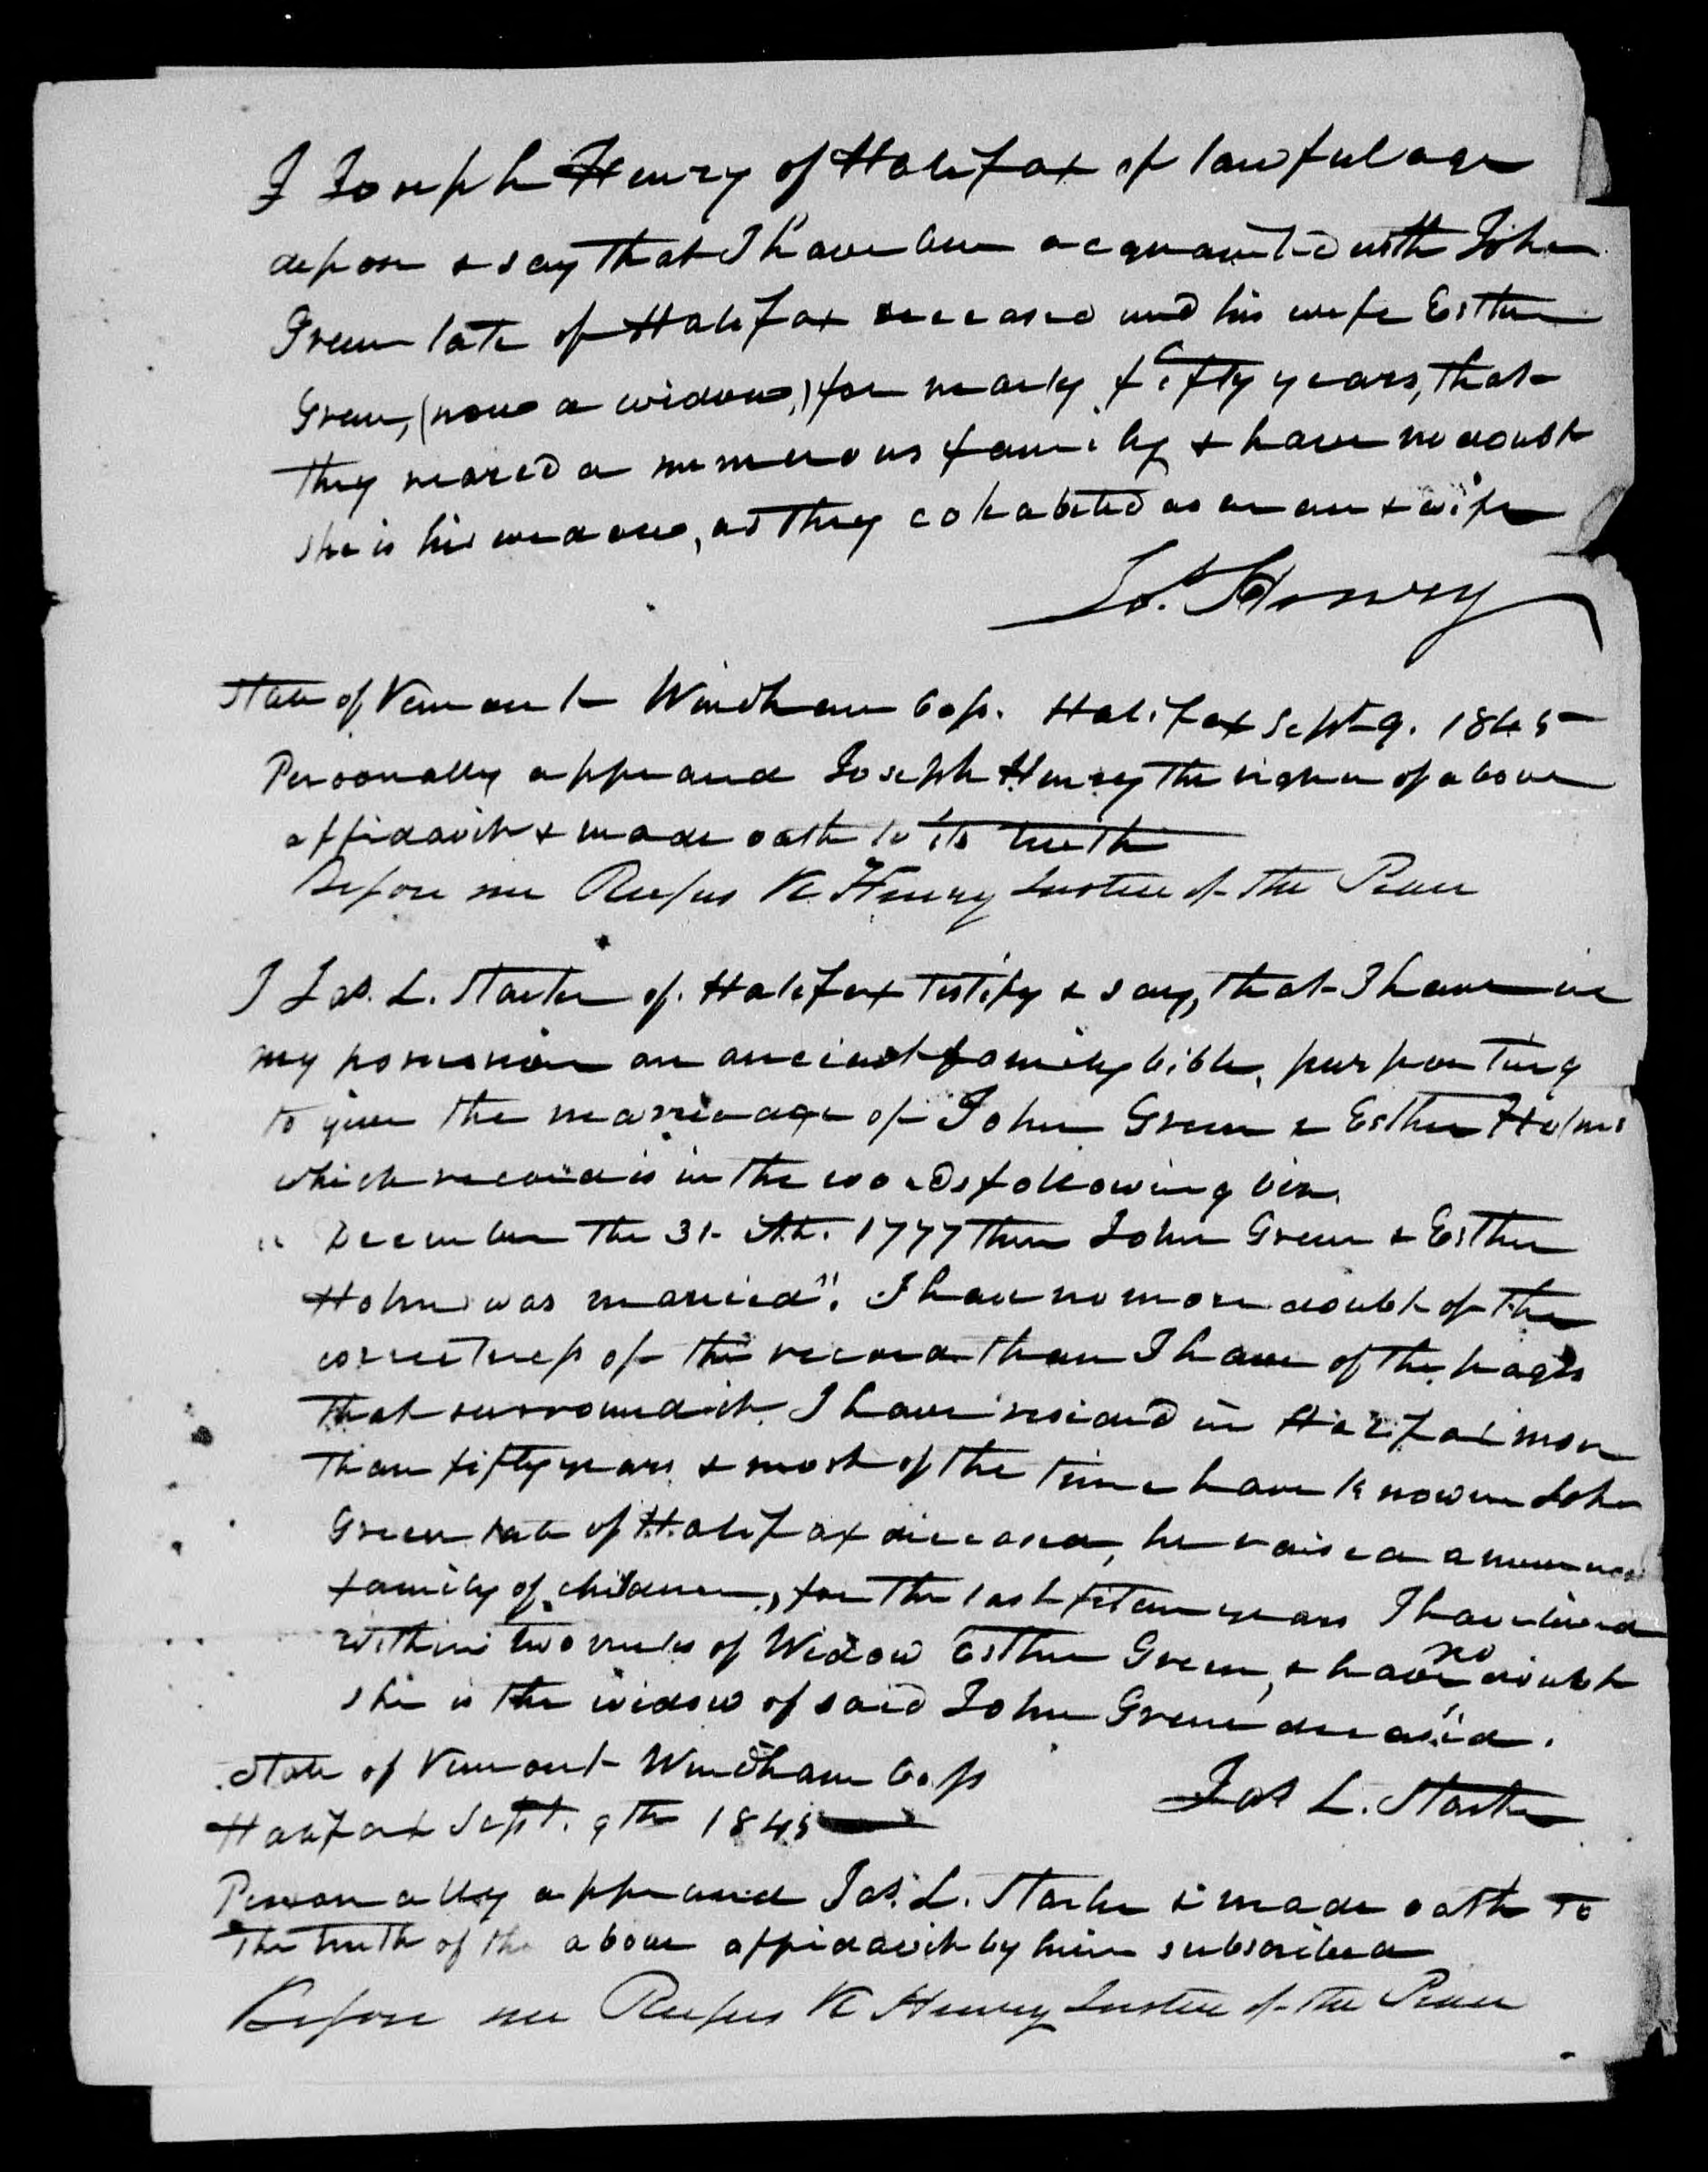I Joseph Henry of Halifax of lawful age depose & say that I have an acquaintance with John Green late of Halifax and his wife Esther Green (now a widow) for nearly fifty years that they lived as a family & have no doubt she is his widow as they cohabitated as -- man & wife.
Jos. Henry
State of Vermont—Windham County Halifax Sept 9 1845. Personally appeared: Joseph Henry the signer of above affidavit made oath to its truth. Before me, Rufus K. Henry, Justice of the Peace.
I ,Jas. L. Stark of Halifax, testify & say that I have in my possession a ... family bible purporting to give the marriage of John Green & Esther Holmes this .... in the words following viz.
"December the 31st 1777 Thurs John Green & Esther Holm[es] was married." I have no more doubt of the ... [correctness?] of this record than I have of the fact that fifty years & more of the time I have known John Green of Halifax disappear, he raised a ...family of children for the last fifty years I have lived within two miles of Widow Esther Green and have no doubt this is the widow of said John Green. Jas. L. Stark
State of Vermont Windham Co, Halifax, Sep 9th, 1845
Personally appeared Jas. L. Stark made an oath to the truth of the above affidavit by him subscribed. Before me Rufus K. Henry Justice of the Peace.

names: John Green, Joseph Henry, Jas L Starke, Esther Green, Esther Holms, Esther Green, Rufus K Henry, John Green, Jos Henry, Joseph Henry, John Green, Esther Holmes, Jas L Starke, John Green, John Green, Jas L Starke, Rufus K Henry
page: 29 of 40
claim: rejected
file: R. 4251, John Green, Conn.